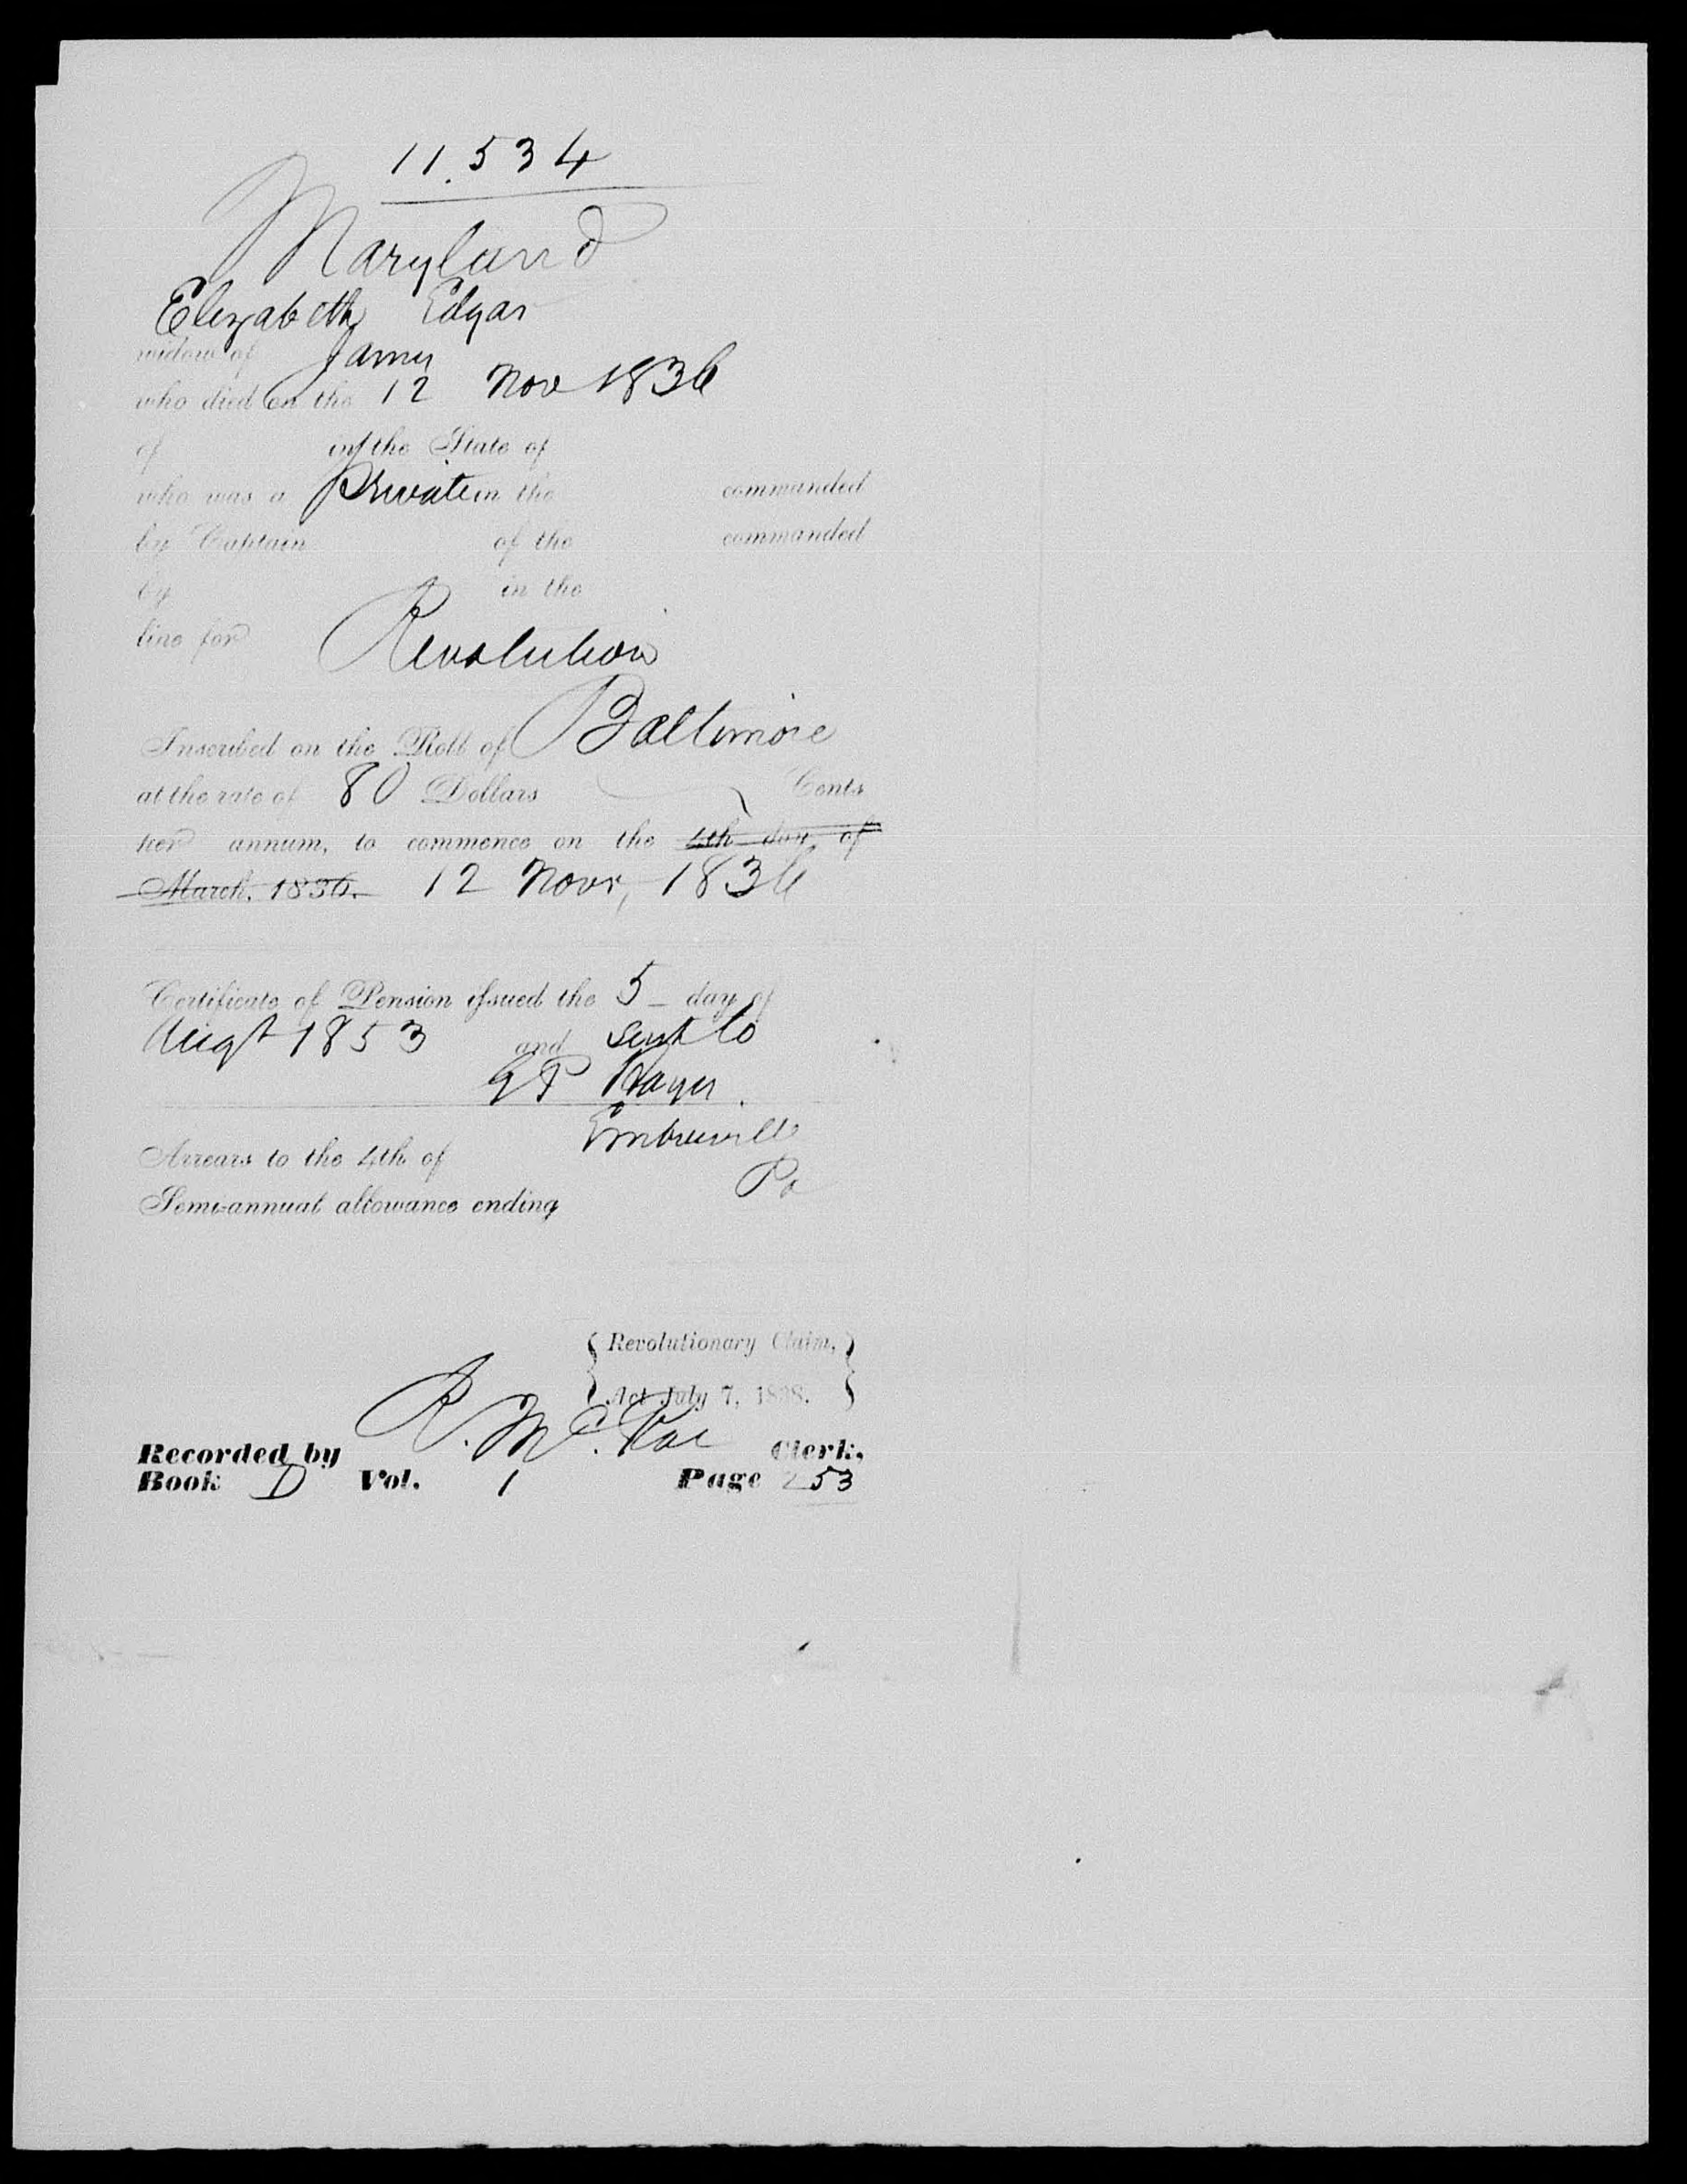[hand written]
11.534

Maryland

Elizabeth Edgar  [end of handwriting] widow of [handwritten James [end of handwriting] who died on the [handwritten] 12 Nov 1836 [end of handwriting]
of____of the State of___
who was a [handwritten] Private [end of handwriting] in the ___ commanded
by Captain___of the commanded
by___in the___
line for [handwritten] Revolution [end of handwriting]

Inscribed on the Roll of [handwritten] Baltimore [end of handwriting] at the rate of [handwritten]  80 [end of handwriting] Dollars~ Cents per annum, to commence on the [marked out] 4th day of March, 1836 [end of marking] 12 Nov 1836

Certificate of Pension issued the [handwritten] 5 [end of handwriting] day of [handwritten]  Aug 1853 [end of handwriting] and sent [handwritten] to EP Hayes
Embreeville Pa [end of handwriting]

Arrears to the 4th of ___
Semi-annual allowance ending___

{Revolutionary Claim, Act July 7, 1838}

Recorded by [handwritten] RM Par [end of handwriting] Clerk,
Book D Vol. 1 Page 253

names: G P Hayes, James Edgar, R Mc Rae, Elizabeth Edgar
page: 43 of 74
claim: widow's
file: W. 9422, James Edgar, Penn.